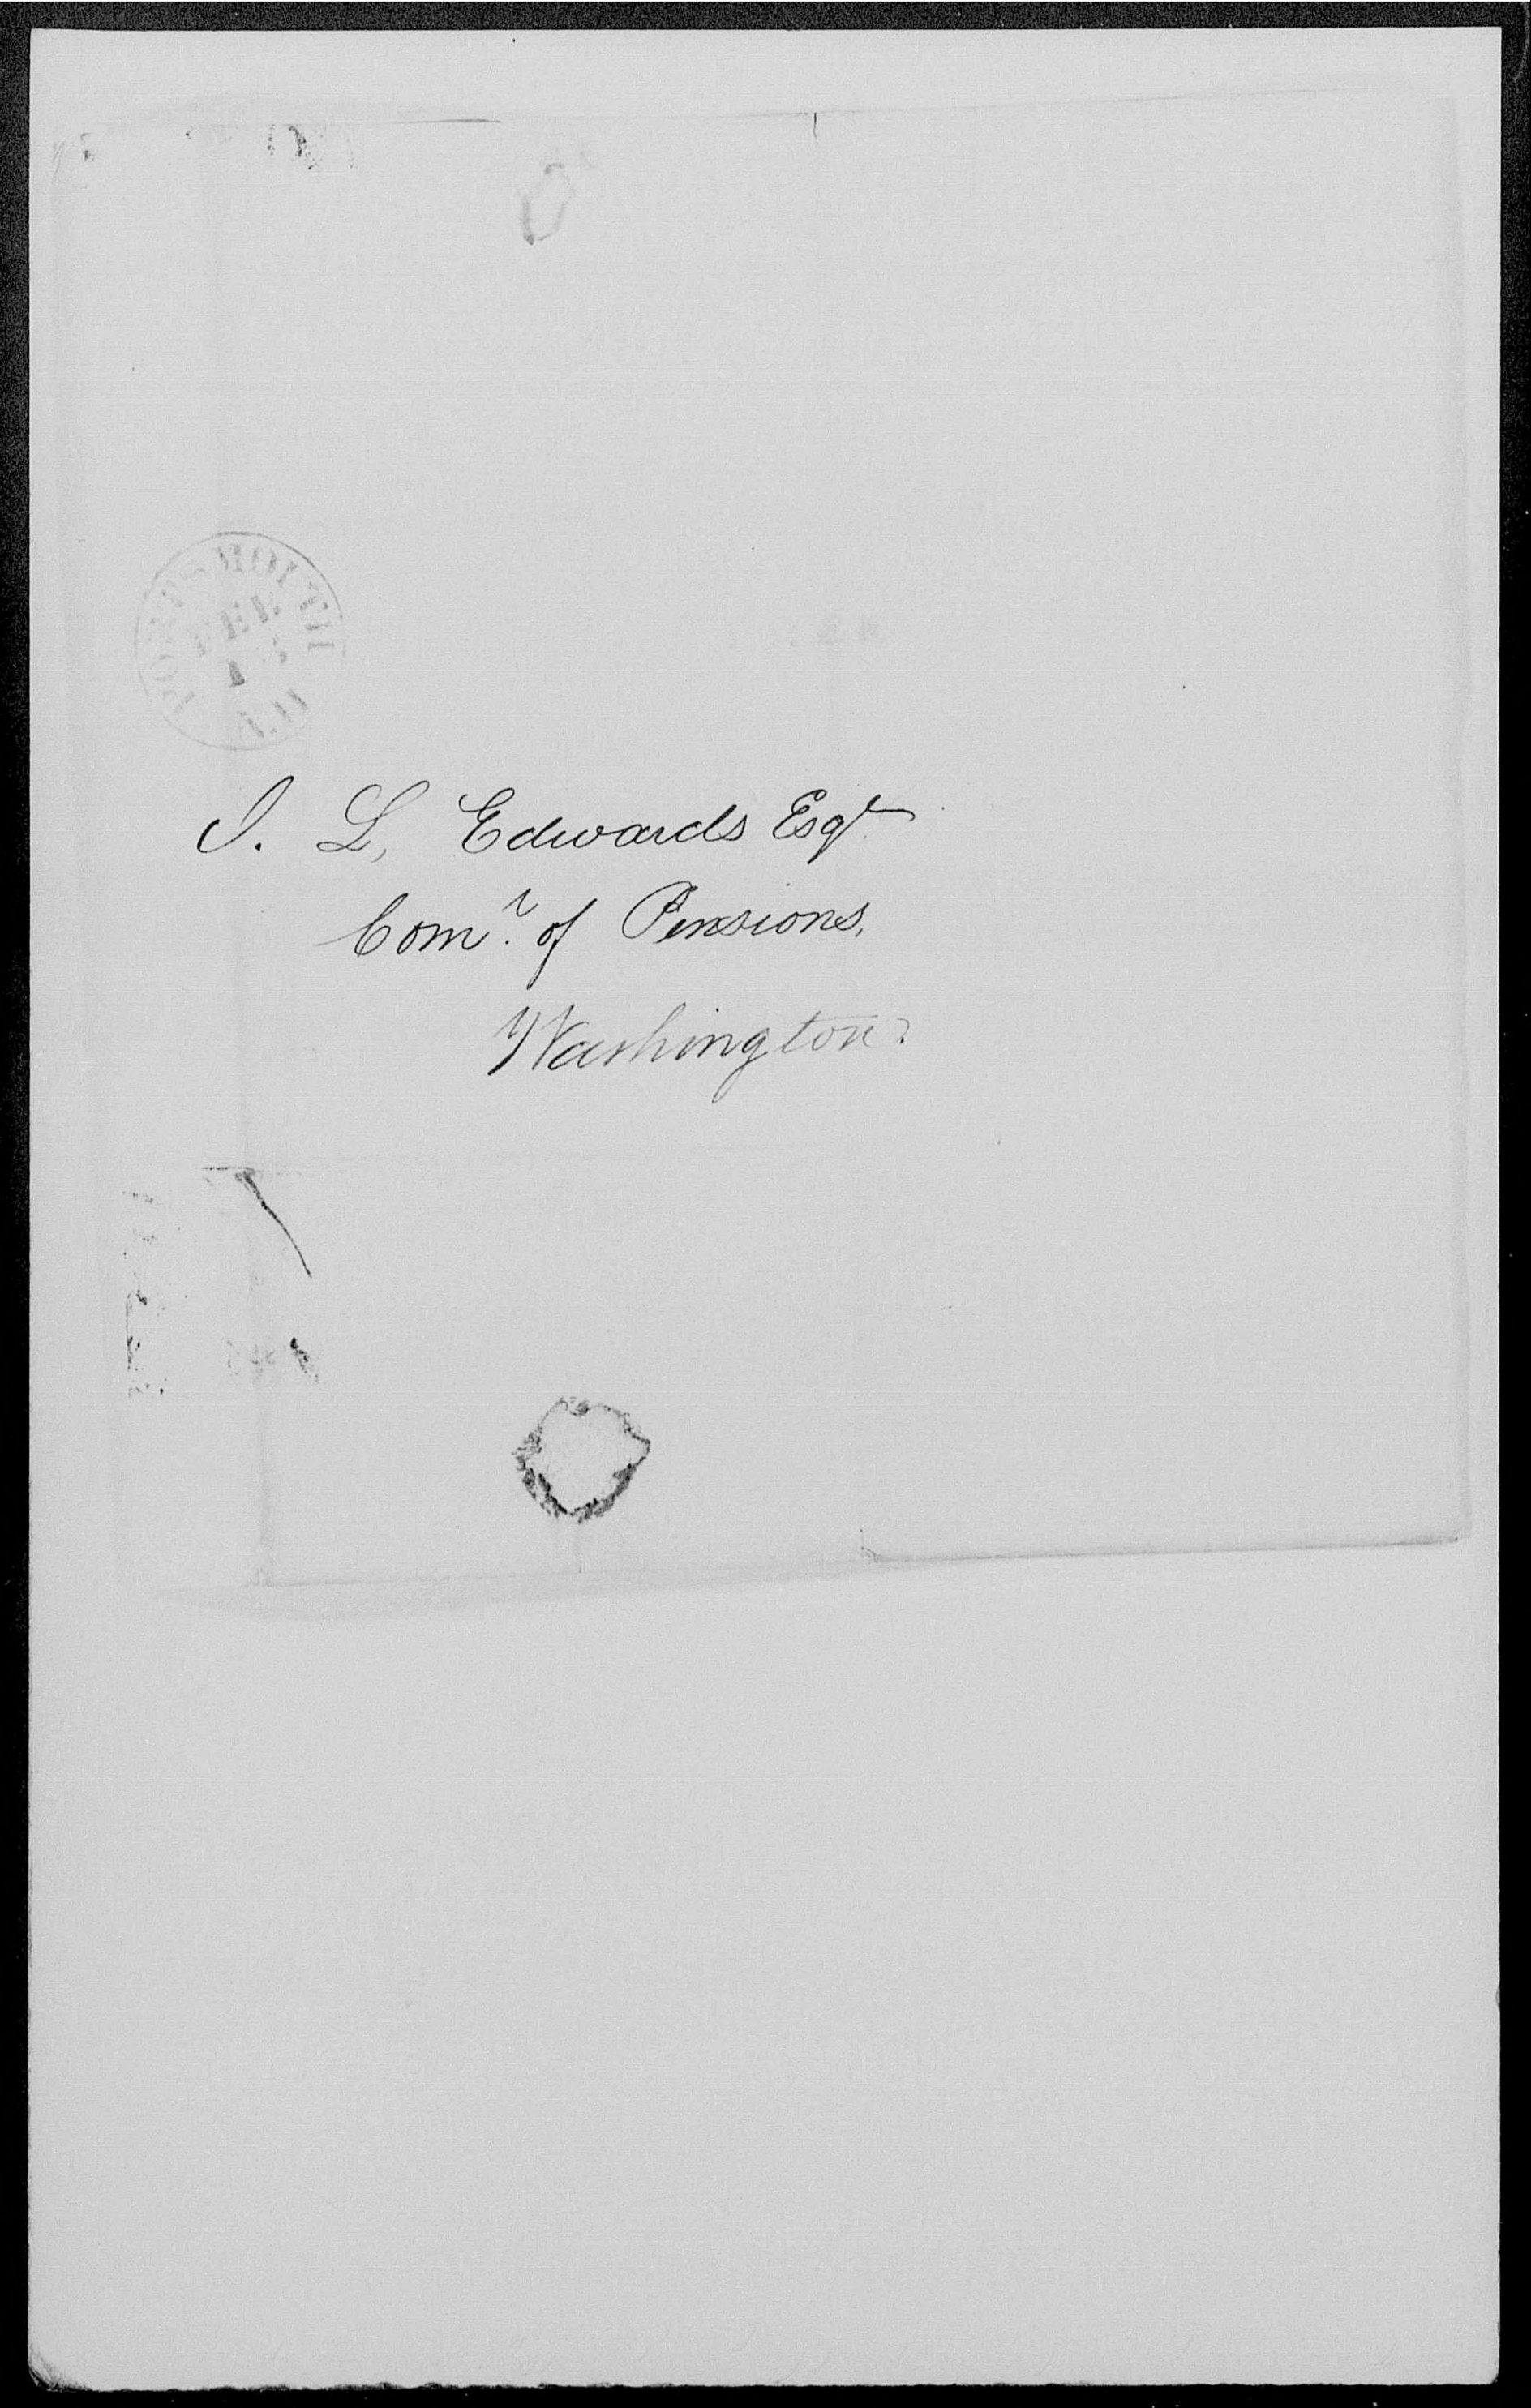[addressed envelope]
[postmark: PORTSMOUTH N.H. FEB 13]
J. L. Edwards Esq'r
Com'r of Pensions
Washington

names: J L Edwards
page: 18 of 25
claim: survivor's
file: S. 28986, Jonathan Barron, N.H.